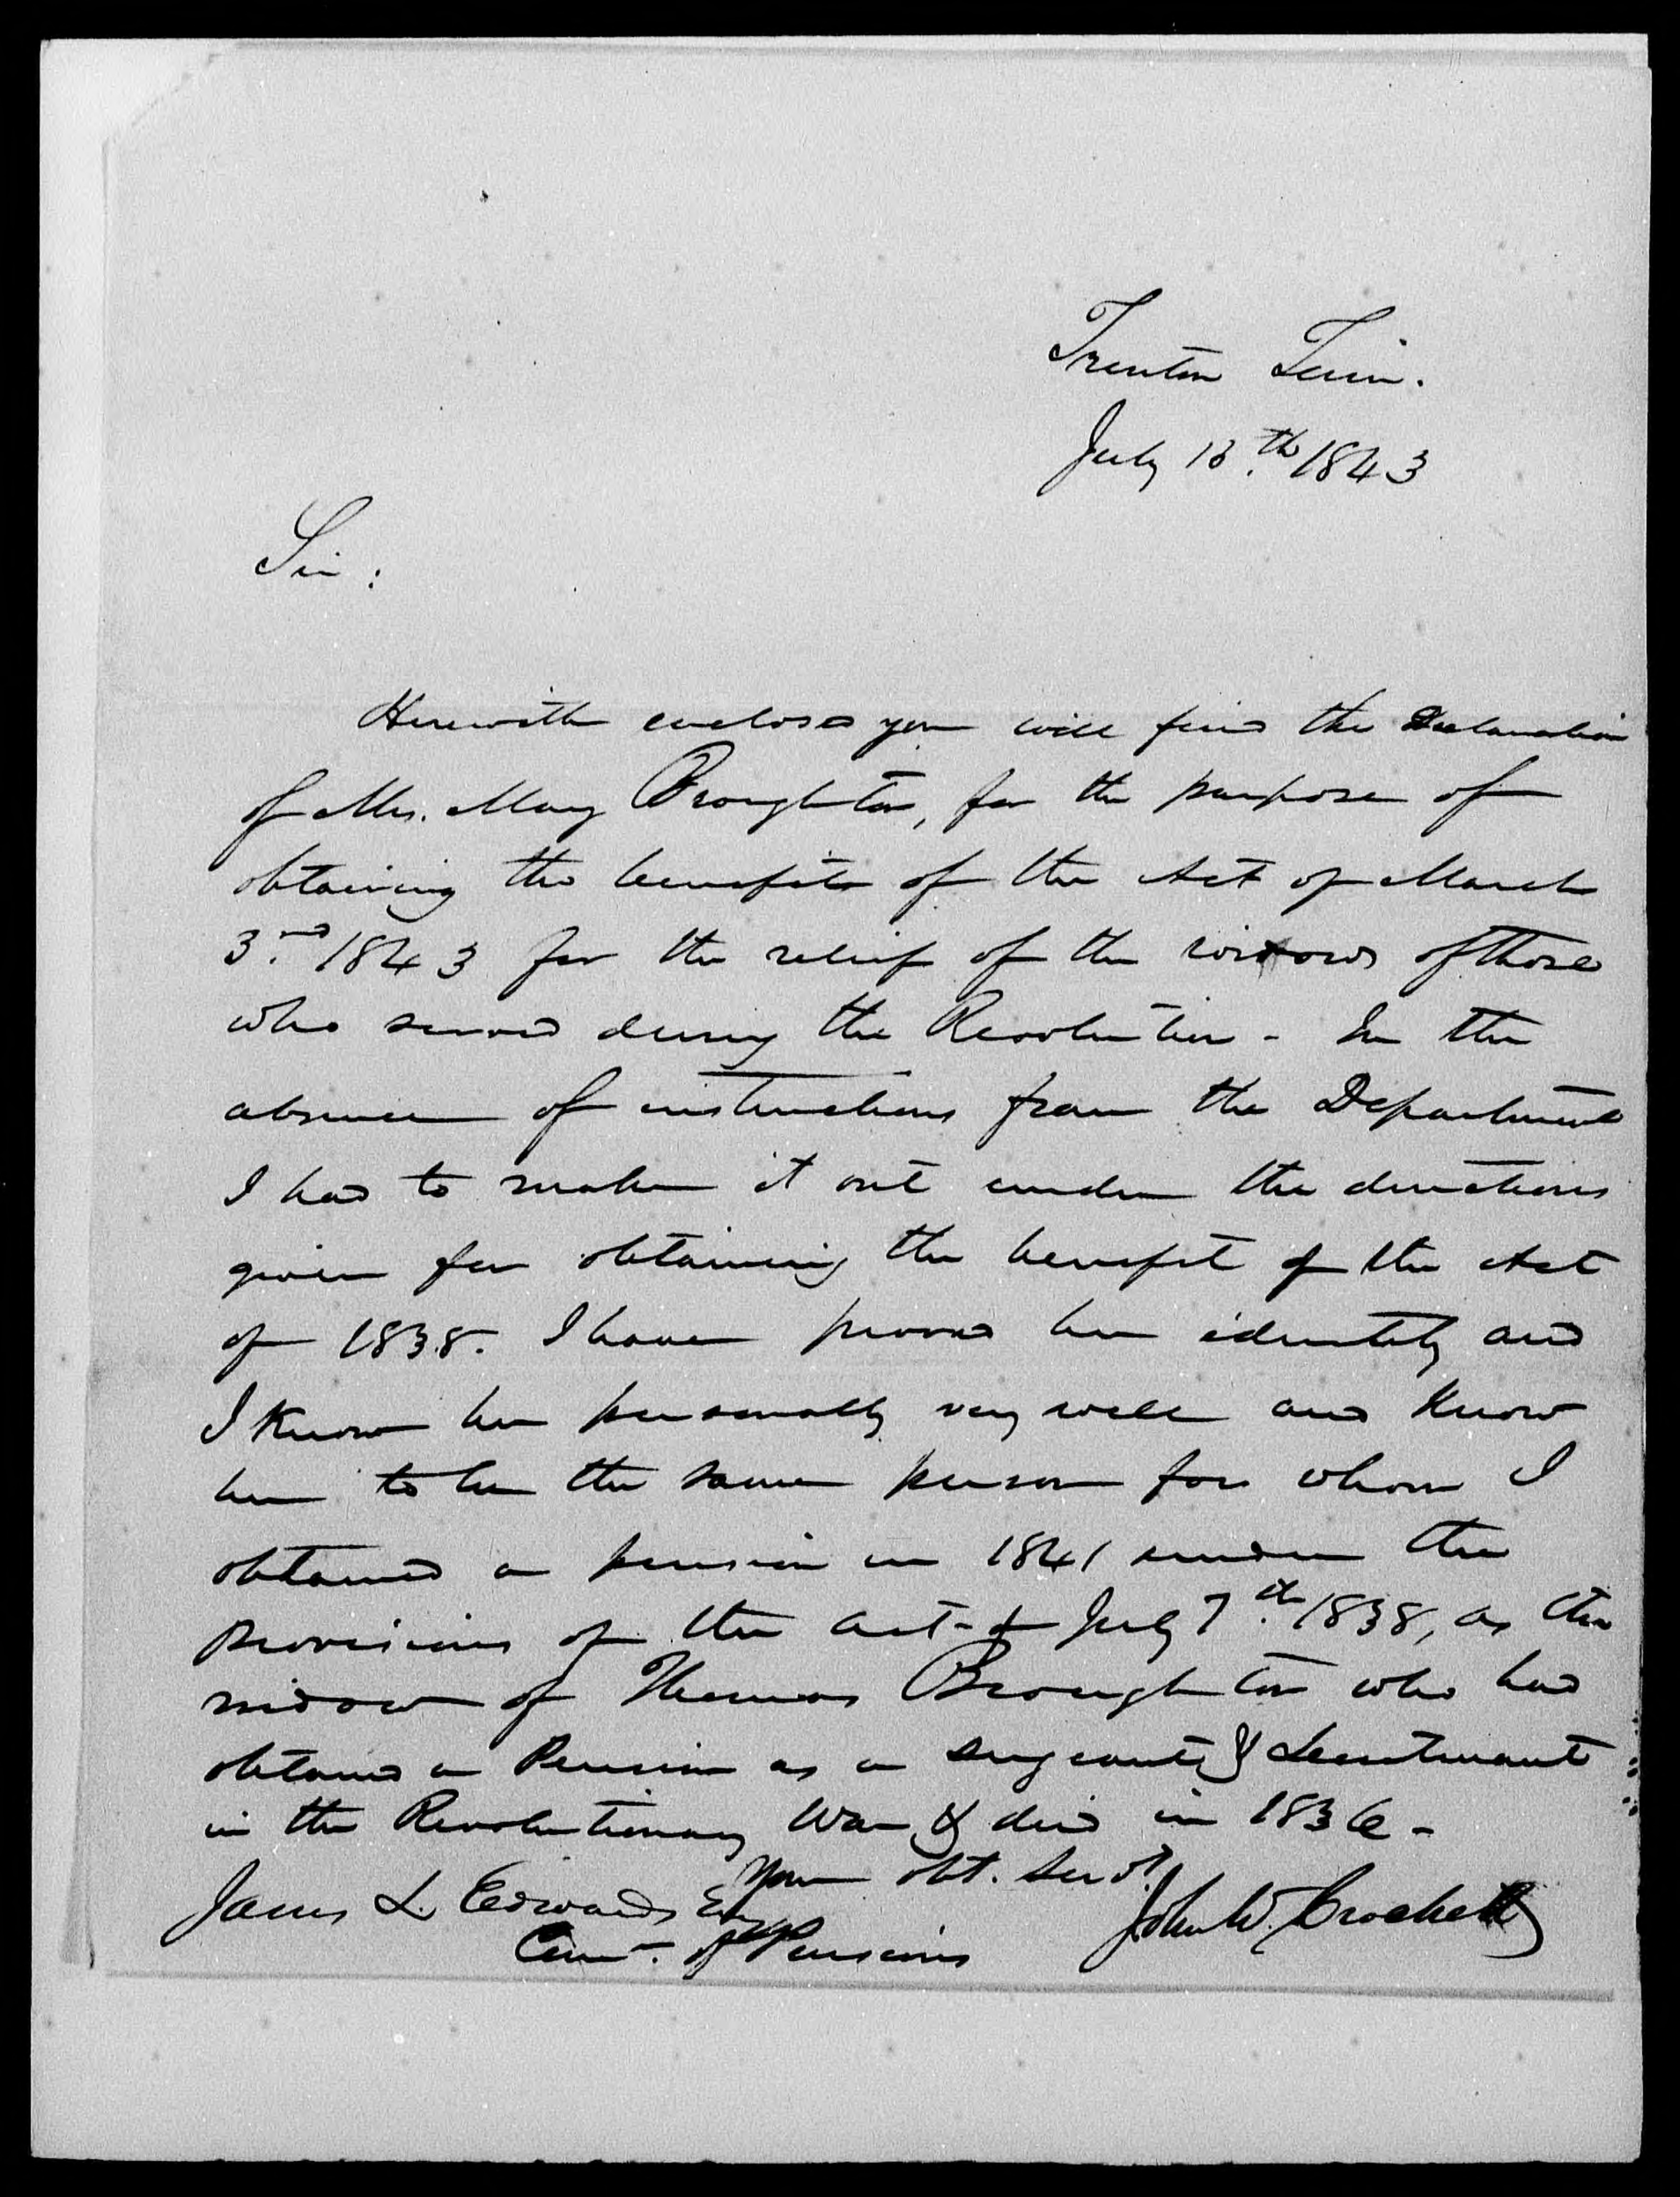Trenton 
July 13th, 1843
Sir,
Herewith enclosed you will find the declaration of Mrs. Mary Broughton, for the purpose of obtaining the benefits of the Act of March 3rd 1843 for the relief of the widows of those who served during the Revolution.  In the absence of instructions from the Department I had to make it out under the directions given for obtaining the benefit of the Act of 1838.  I have proven her identity and I know her personally very well and know her to be the same person for whom I obtained a pension in 1841 under the provisions of the Act of July 7th 1838, as the widow of Thomas Broughton who had obtained a Pension as a sergeant & lieutenant in the Revolutionary War & died in 1836-
your obt. servt.
[signature] John W. Crockett
James L Edwards Esq
Com- of Pensions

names: Mary Broughton, Thomas Broughton, Jams L Edwards, John W Crockett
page: 51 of 72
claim: widow's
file: W. 897, Thomas Broughton, S.C.